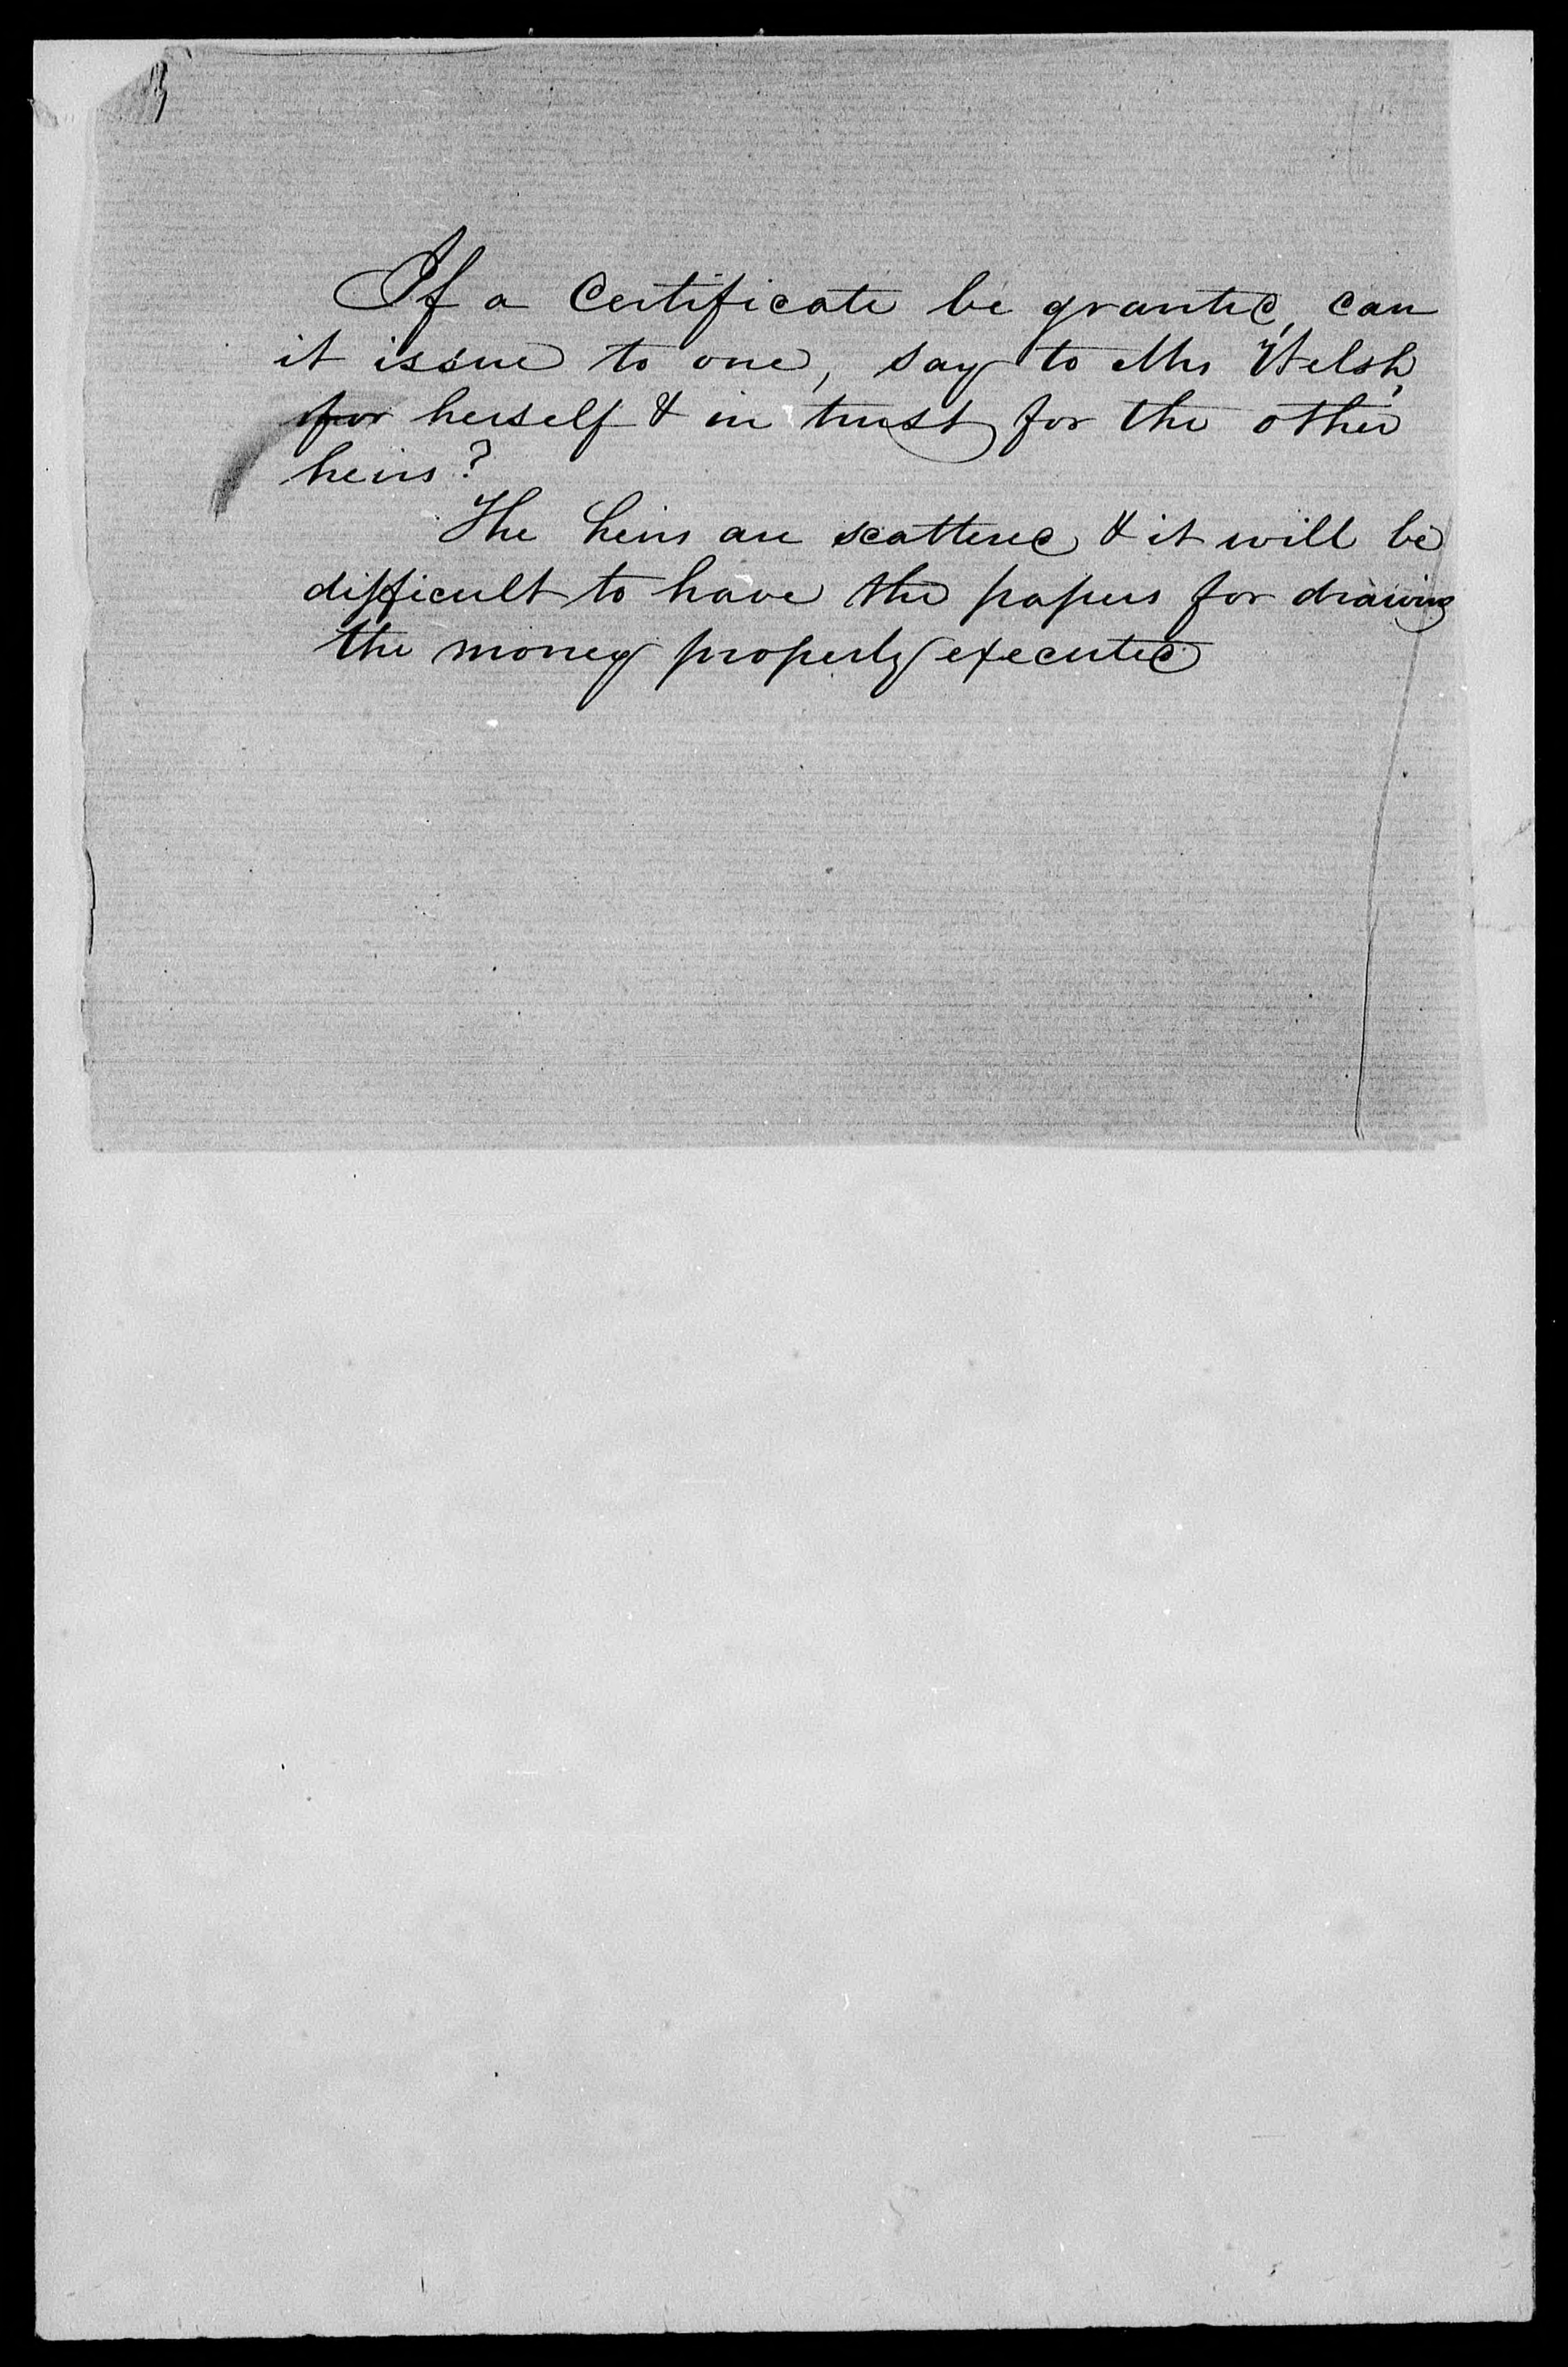If a certificate be granted can it issue to one, say to Mrs Welsh for herself and in trust for the other heirs?
     The heirs are scattered and it will be difficult to have the papers or drawing the money properly executed.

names: Welsh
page: 34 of 35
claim: rejected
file: R. 2,650, Daniel Daniels, Penn.